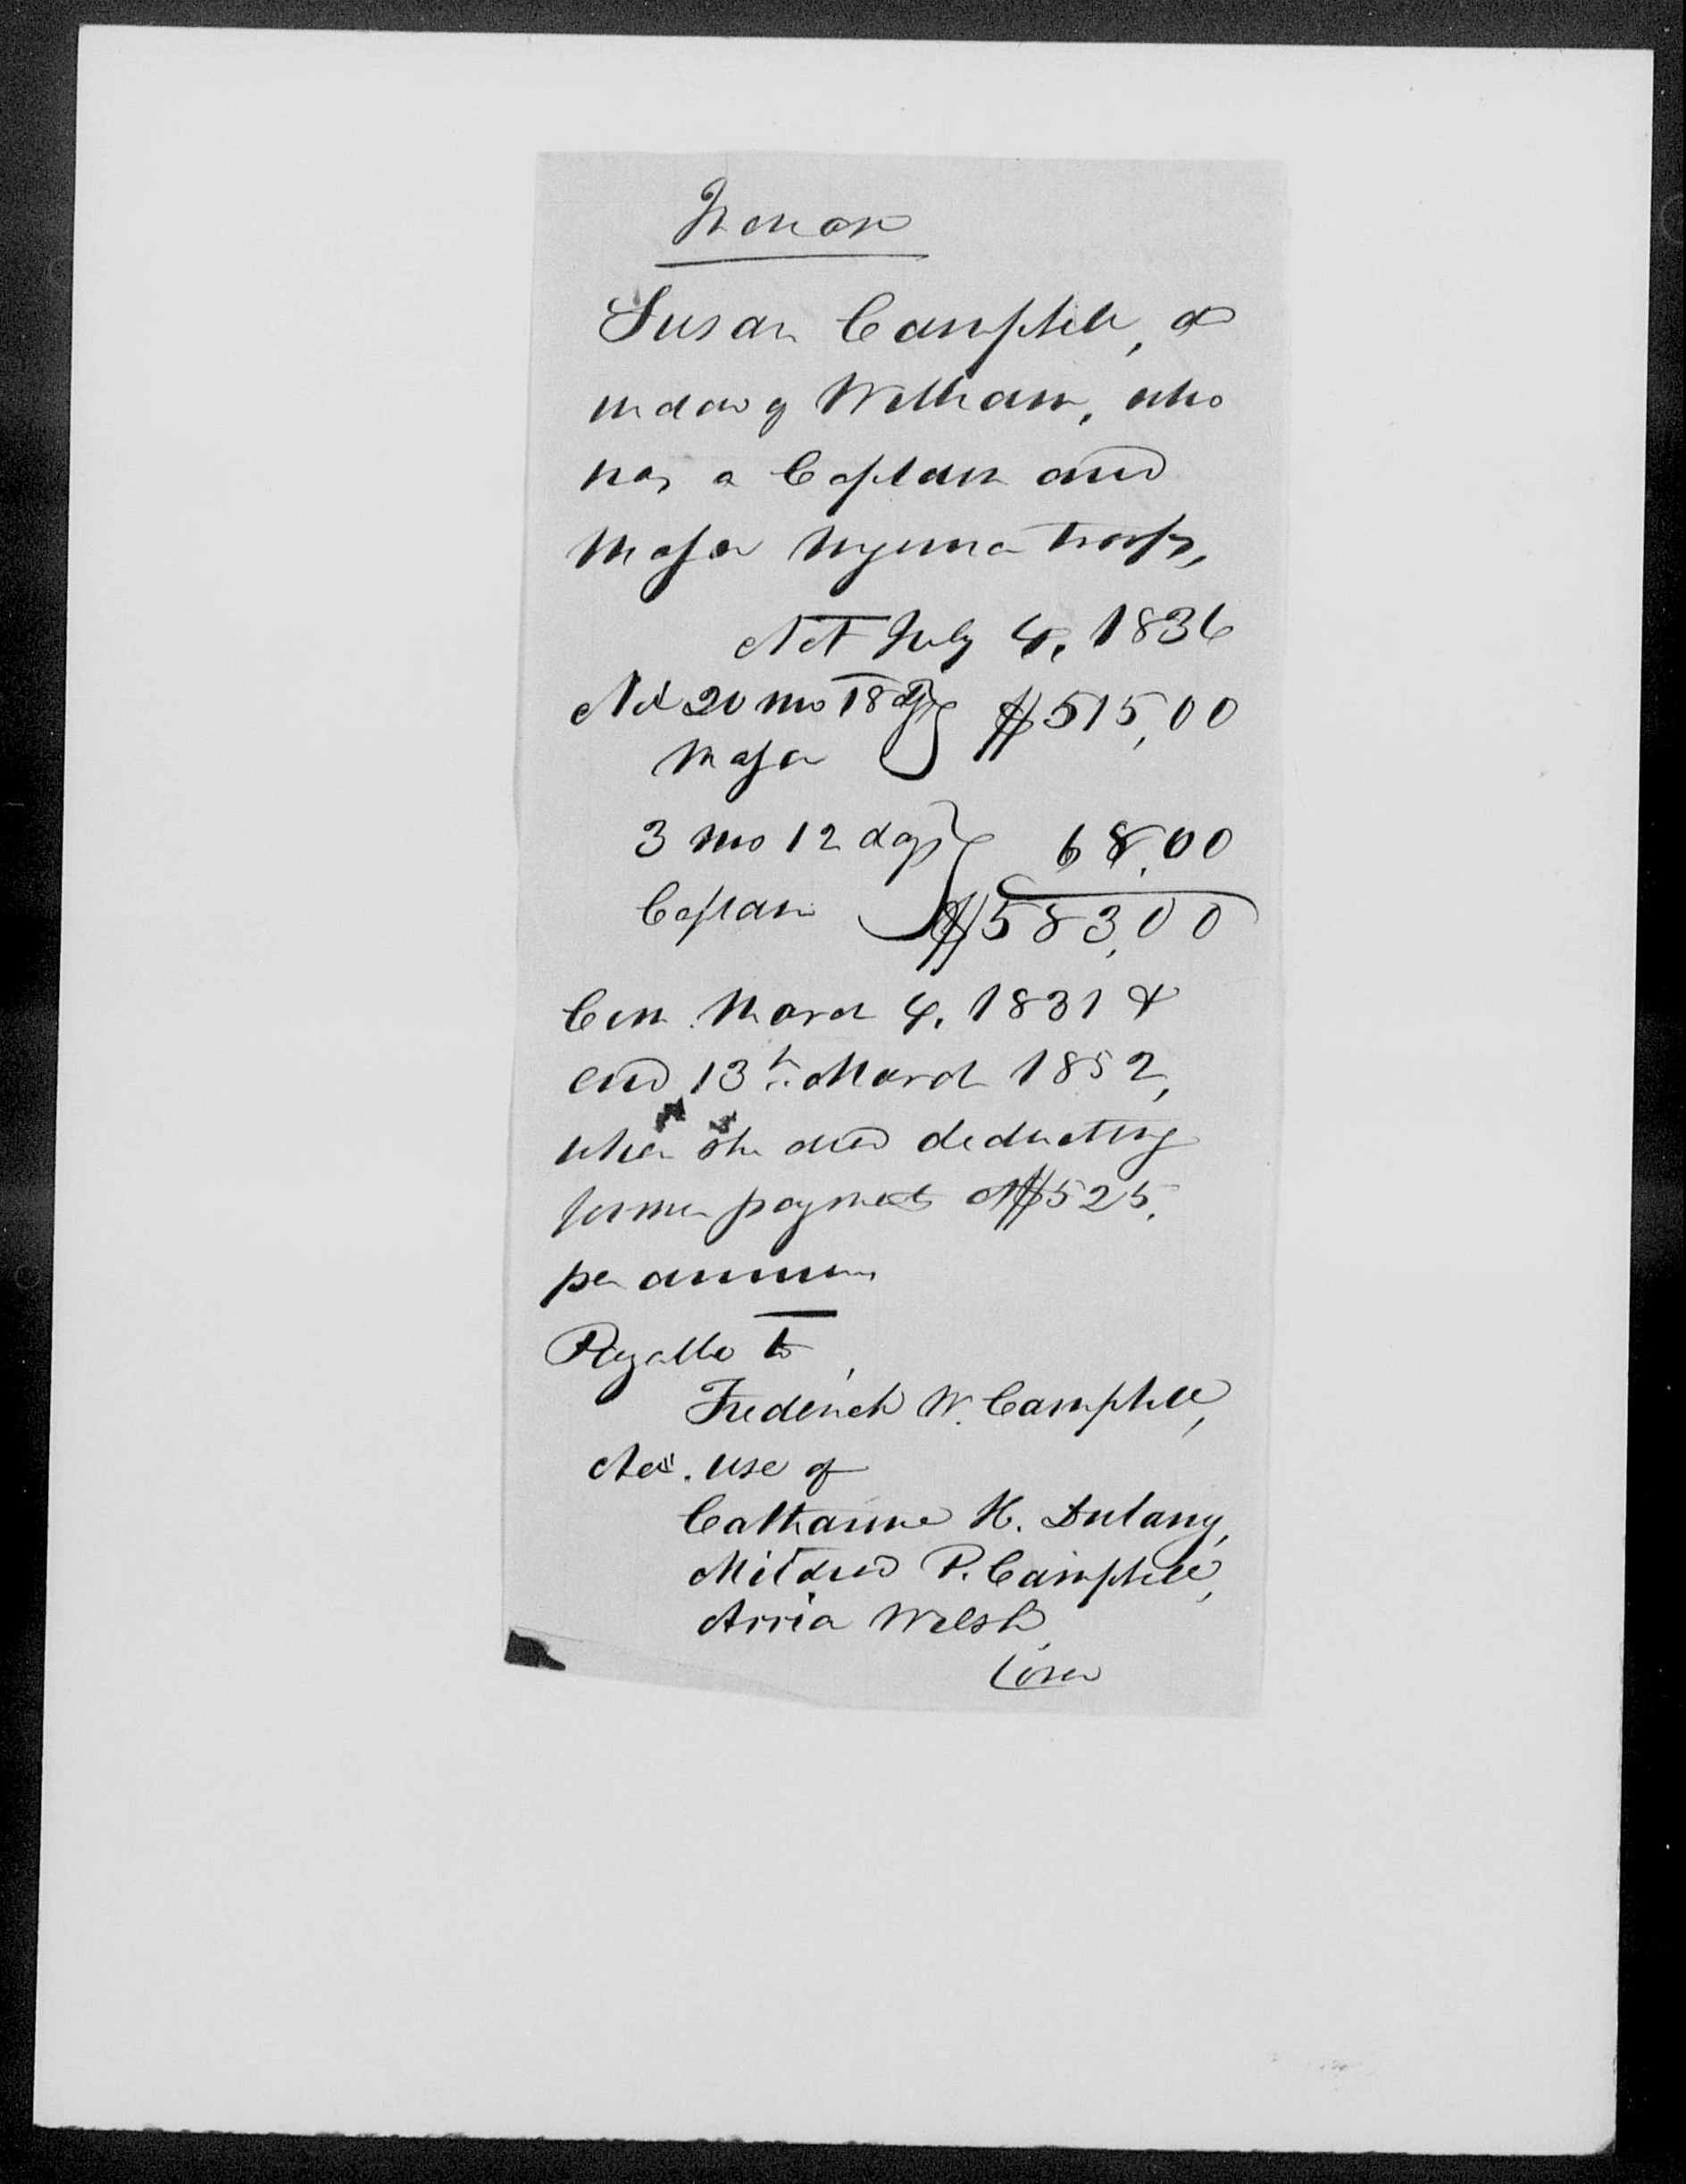Penon [underlined]

Susan Campbell, a widow of William, who was a Captain and Major Virginia Troops,

Act July 4, 1836
 
Act 20 mo 18 dys.  $515,00
Major

3 mo 12 days            $68.00 [underlined]
Captain
                                  $583,00

Cm. March 4, 1831 +[and] end 13th. March 1852, when she died dedicating future payments of $525. per annum 

Payable to
Frederick W. Campbell, 
Act. use of 
Catharine H. Dulaney,
Mildred P. Campbell,
Arria Welsh,

(over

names: Arria Welsh, Catharine H Dulany, Mildred P Campbell, William Campbell, Susan Campbell, Frederick W Campbell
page: 40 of 267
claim: widow's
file: W. 4,149, William Campbell, Va.